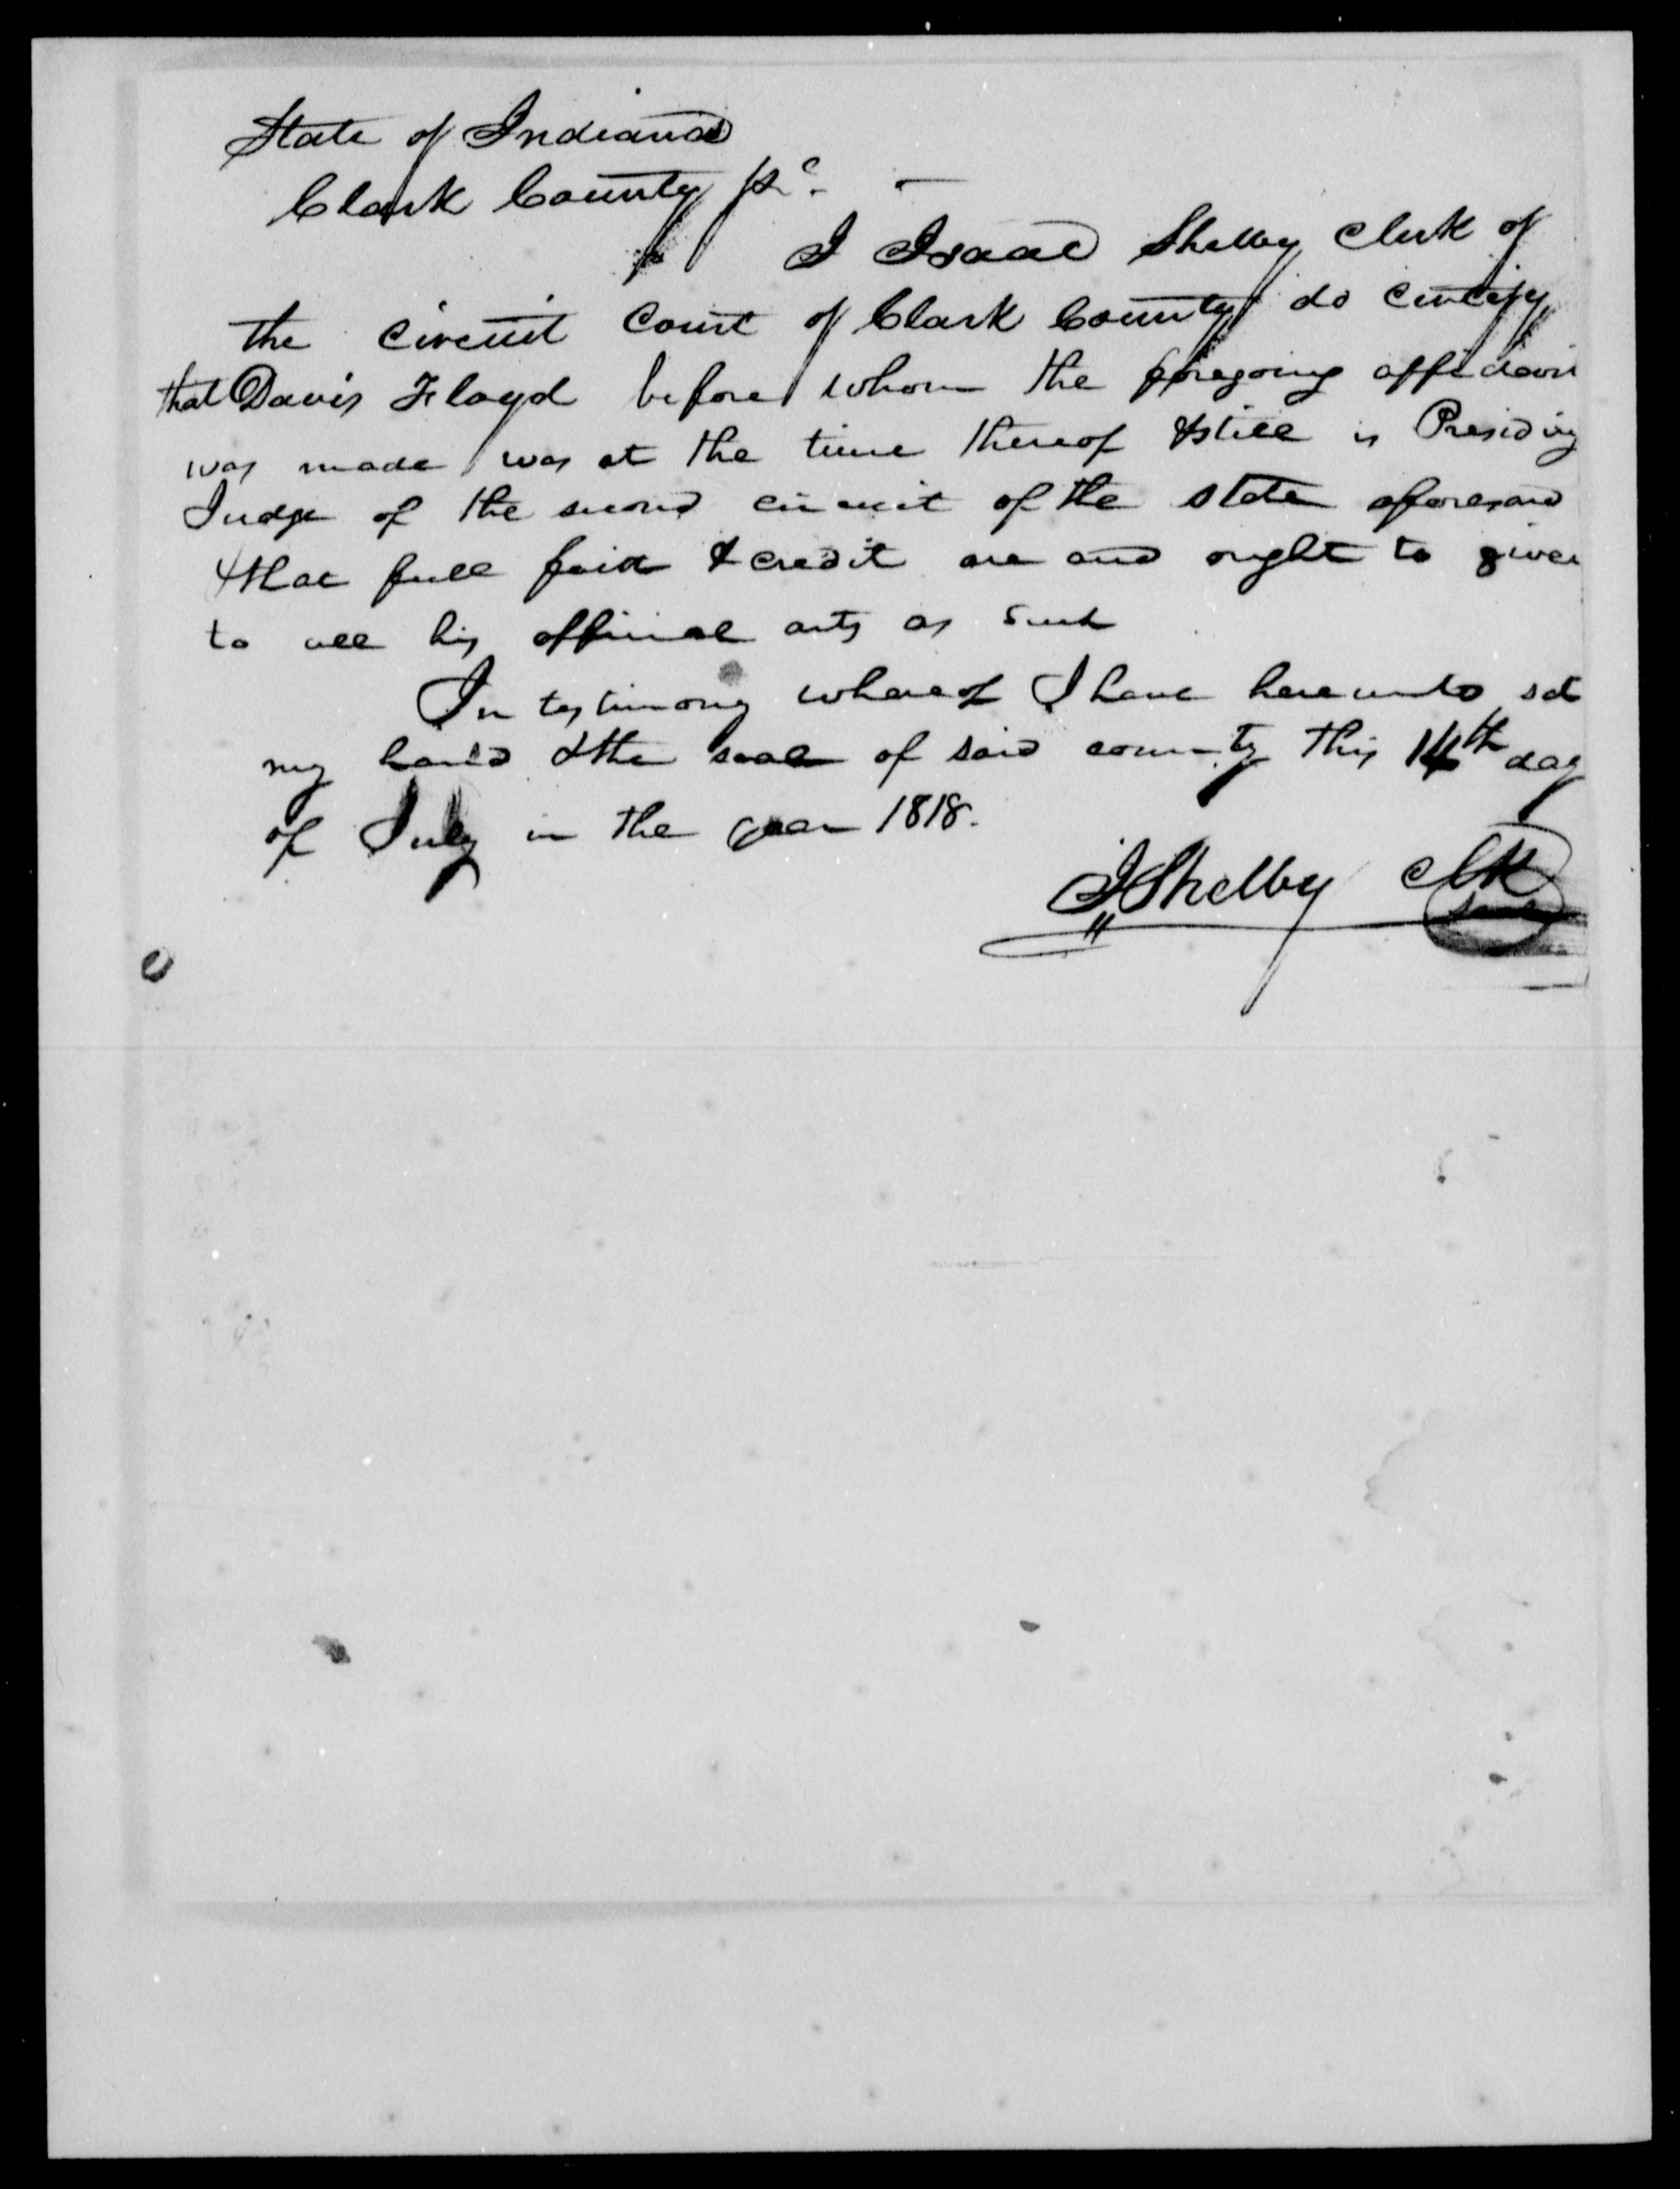State of Indiana
Clark County Ss~

I Isaac Shelby Clerk of the circuit court of Clark County do certify that Davis Floyd before whom the foregoing affidavit was made was at the time thereof (unknown word) Presiding Judge of the second circuit of the state aforesaid that full faith and credit are and right to given to all by his official acts as such
In testimony whereof I have hereunto set my hand and the seal of said county this 14th day of July in the year 1818.
I. Shelby Clk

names: I Shelby; Davis Floyd; Isaac Shelby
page: 7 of 20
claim: survivor's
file: S. 36,783, for George Sparling, New Jersey